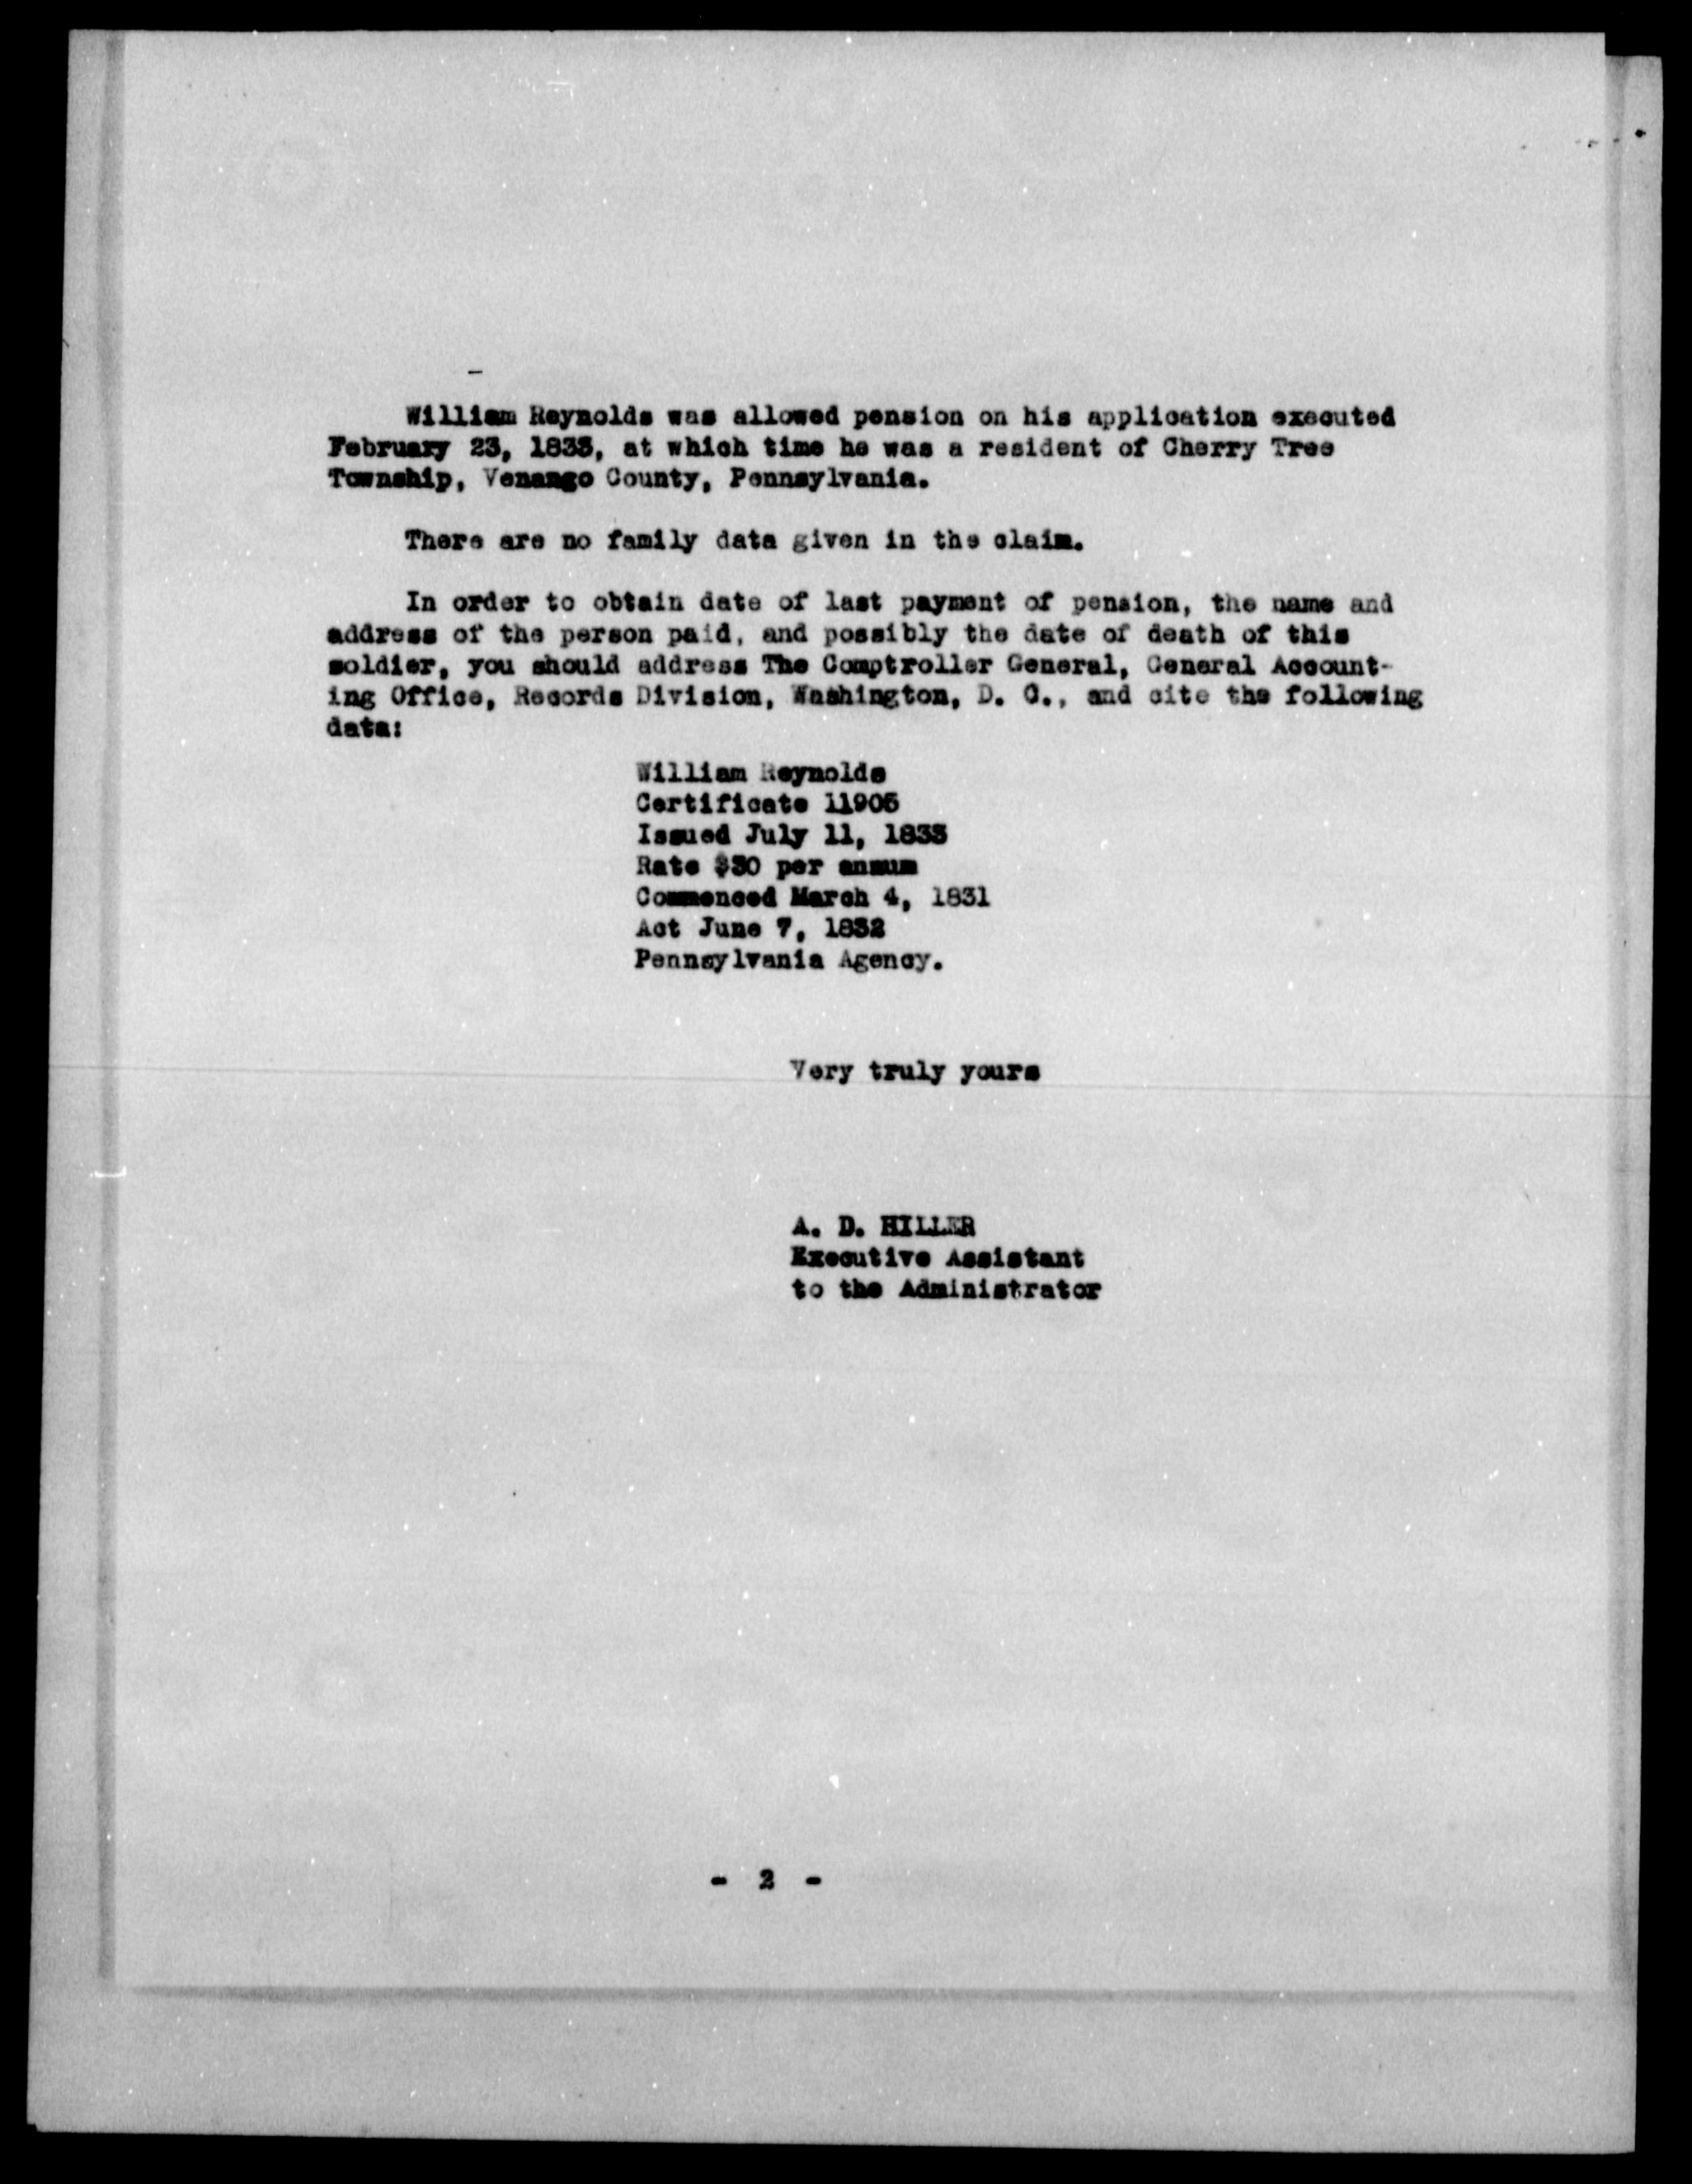William Reynolds was allowed pension on his application executed
February 23, 1833, at which time he was a resident of Cherry Tree
Township, Venango County, Pennsylvania.
There are no family data given in the claim.
In order to obtain date of last payment of pension, the name and
address of the person paid, and possibly the date of death of this
soldier, you should address The Comptroller General, General Accounting Office, 
Records Division, Washington, D. C., and cite the following
data:
William Reynolds
Certificate 11905
Issued July 11, 1833
Rate $30 per annum
Commenced March 4, 1831
Act June 7, 1832
Pennsylvania Agency.
Very truly yours
A. D. HILLER
Executive Assistant
to the Administrator
2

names: William Reynolds; William Reynolds; A D Hiller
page: 10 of 19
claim: survivor's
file: S. 14,273, for William Reynolds, Pennsylvania